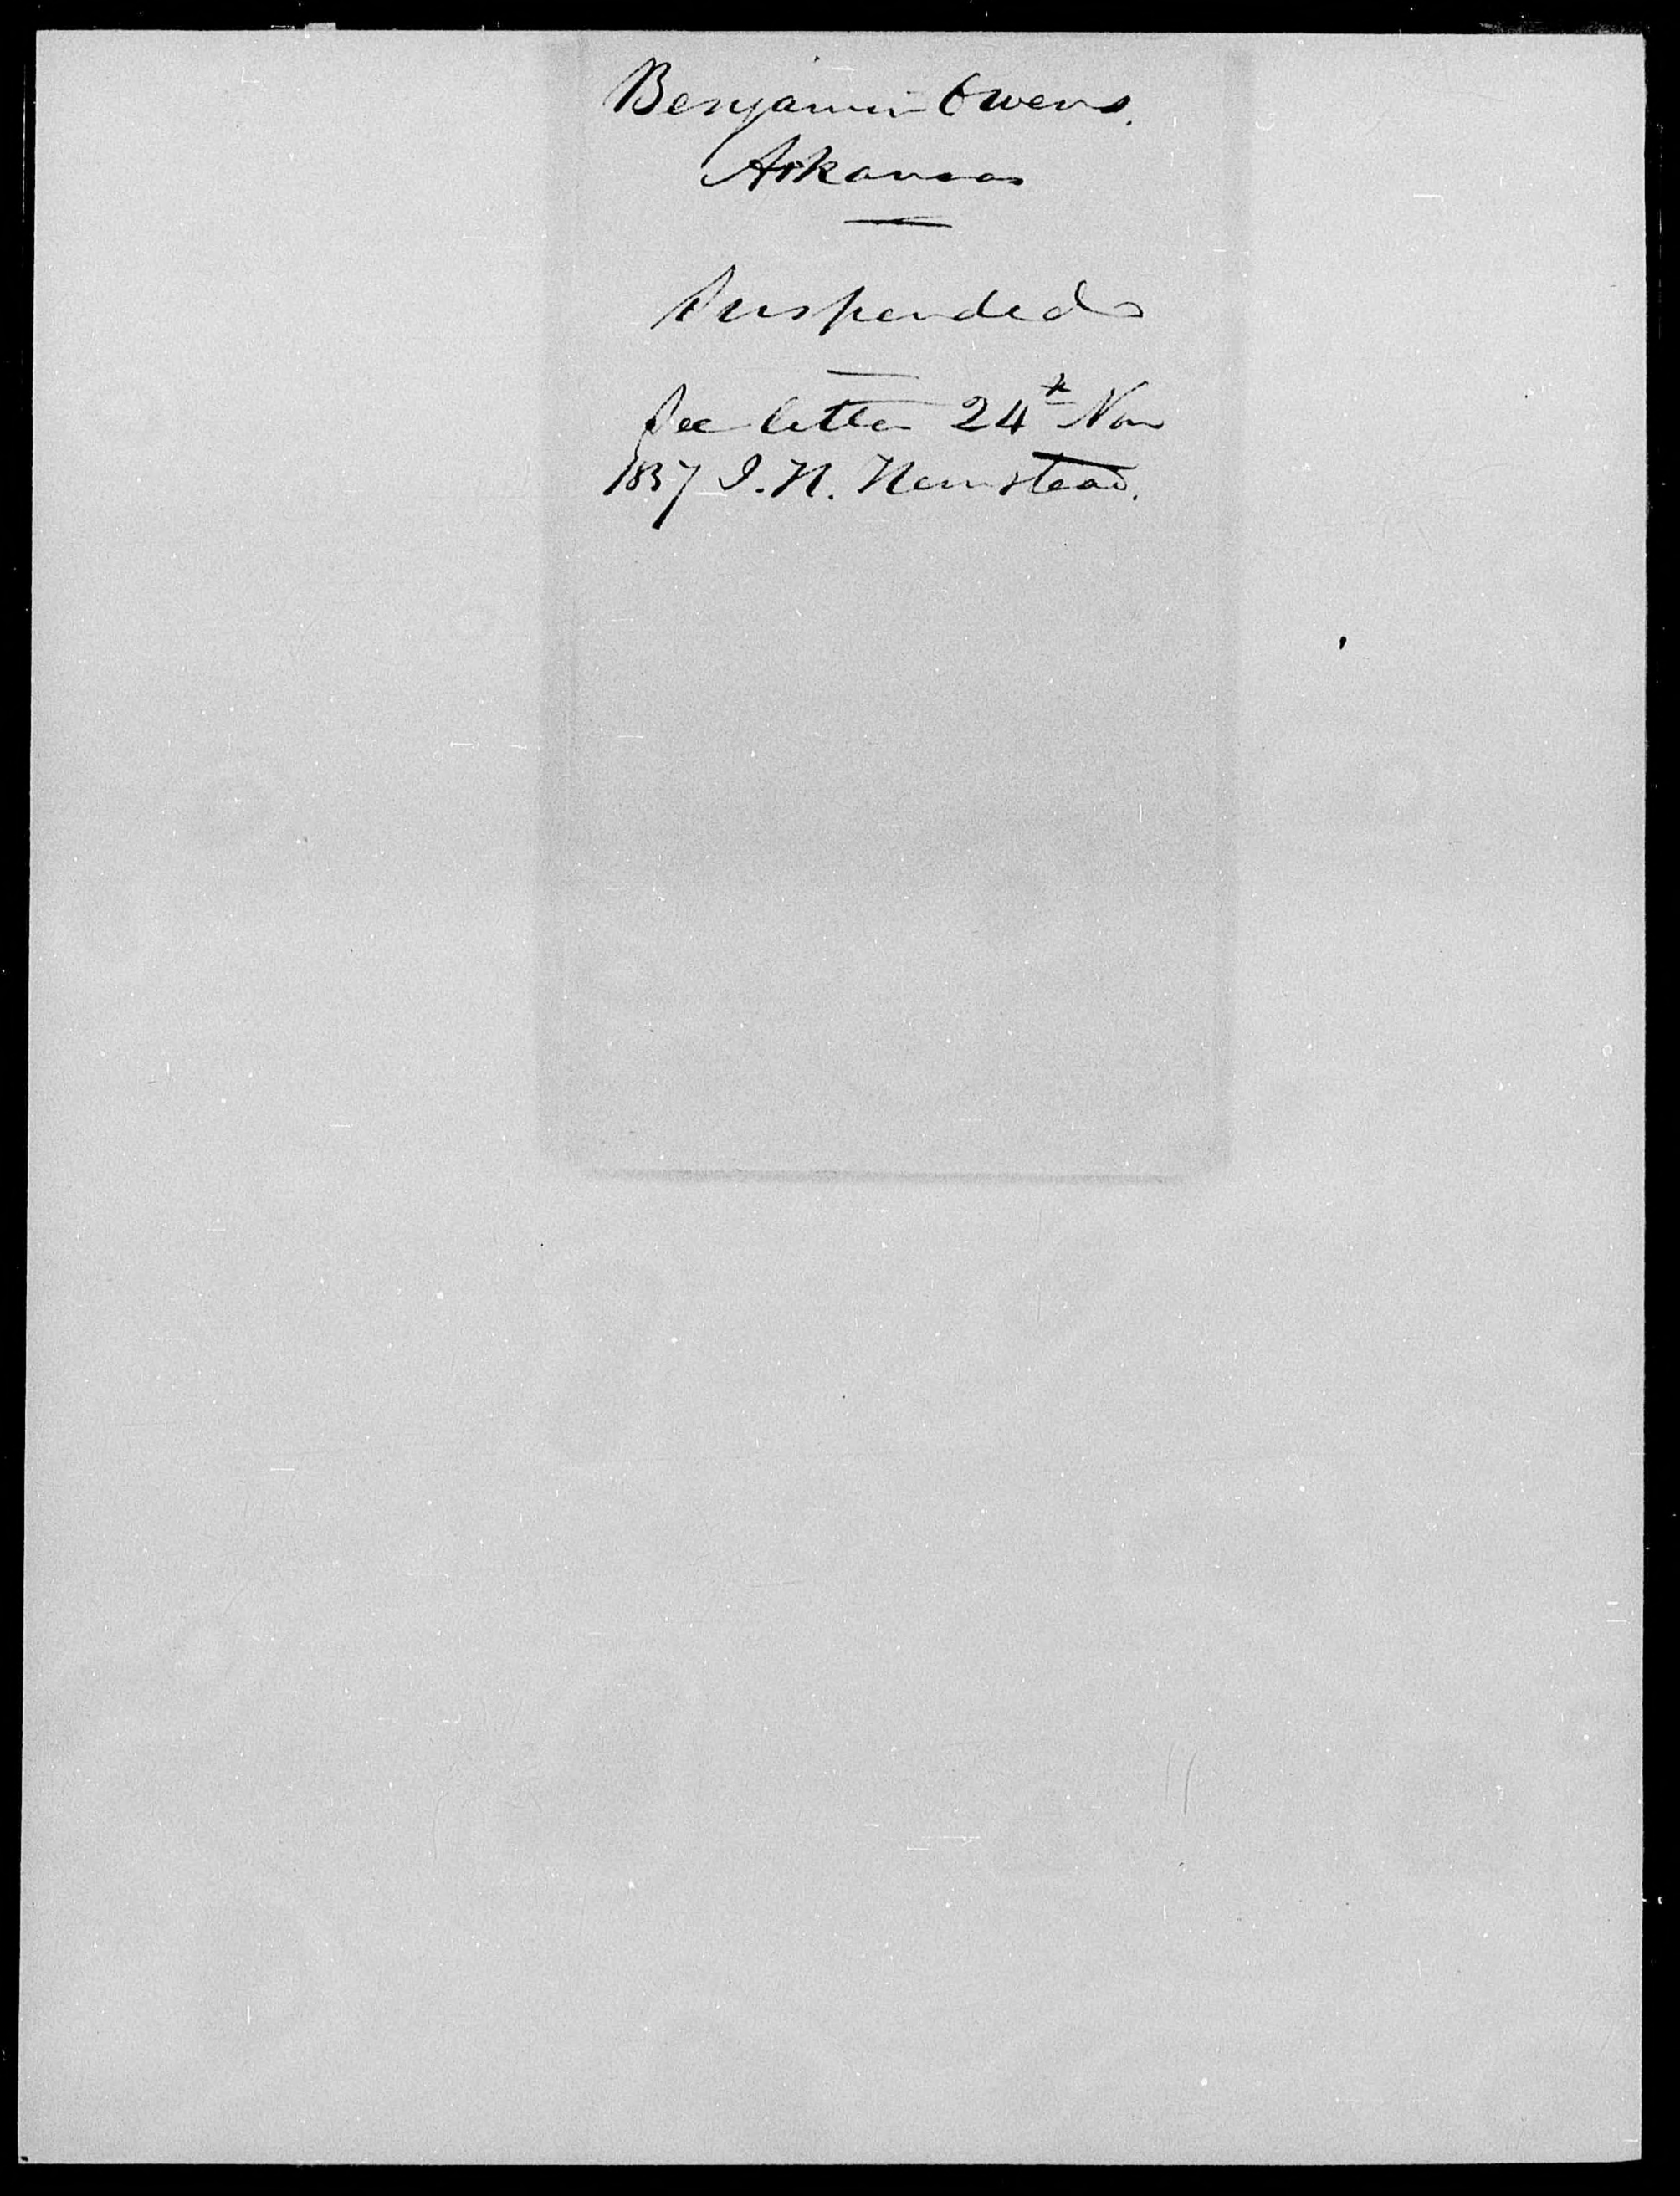Benjamin Owens.
Arkansas
Suspended
See letter 24th Nov
1837 J. N. Newstead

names: Benjamin Owens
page: 15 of 28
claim: rejected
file: R. 7846, for Benjamin Owens, South Carolina